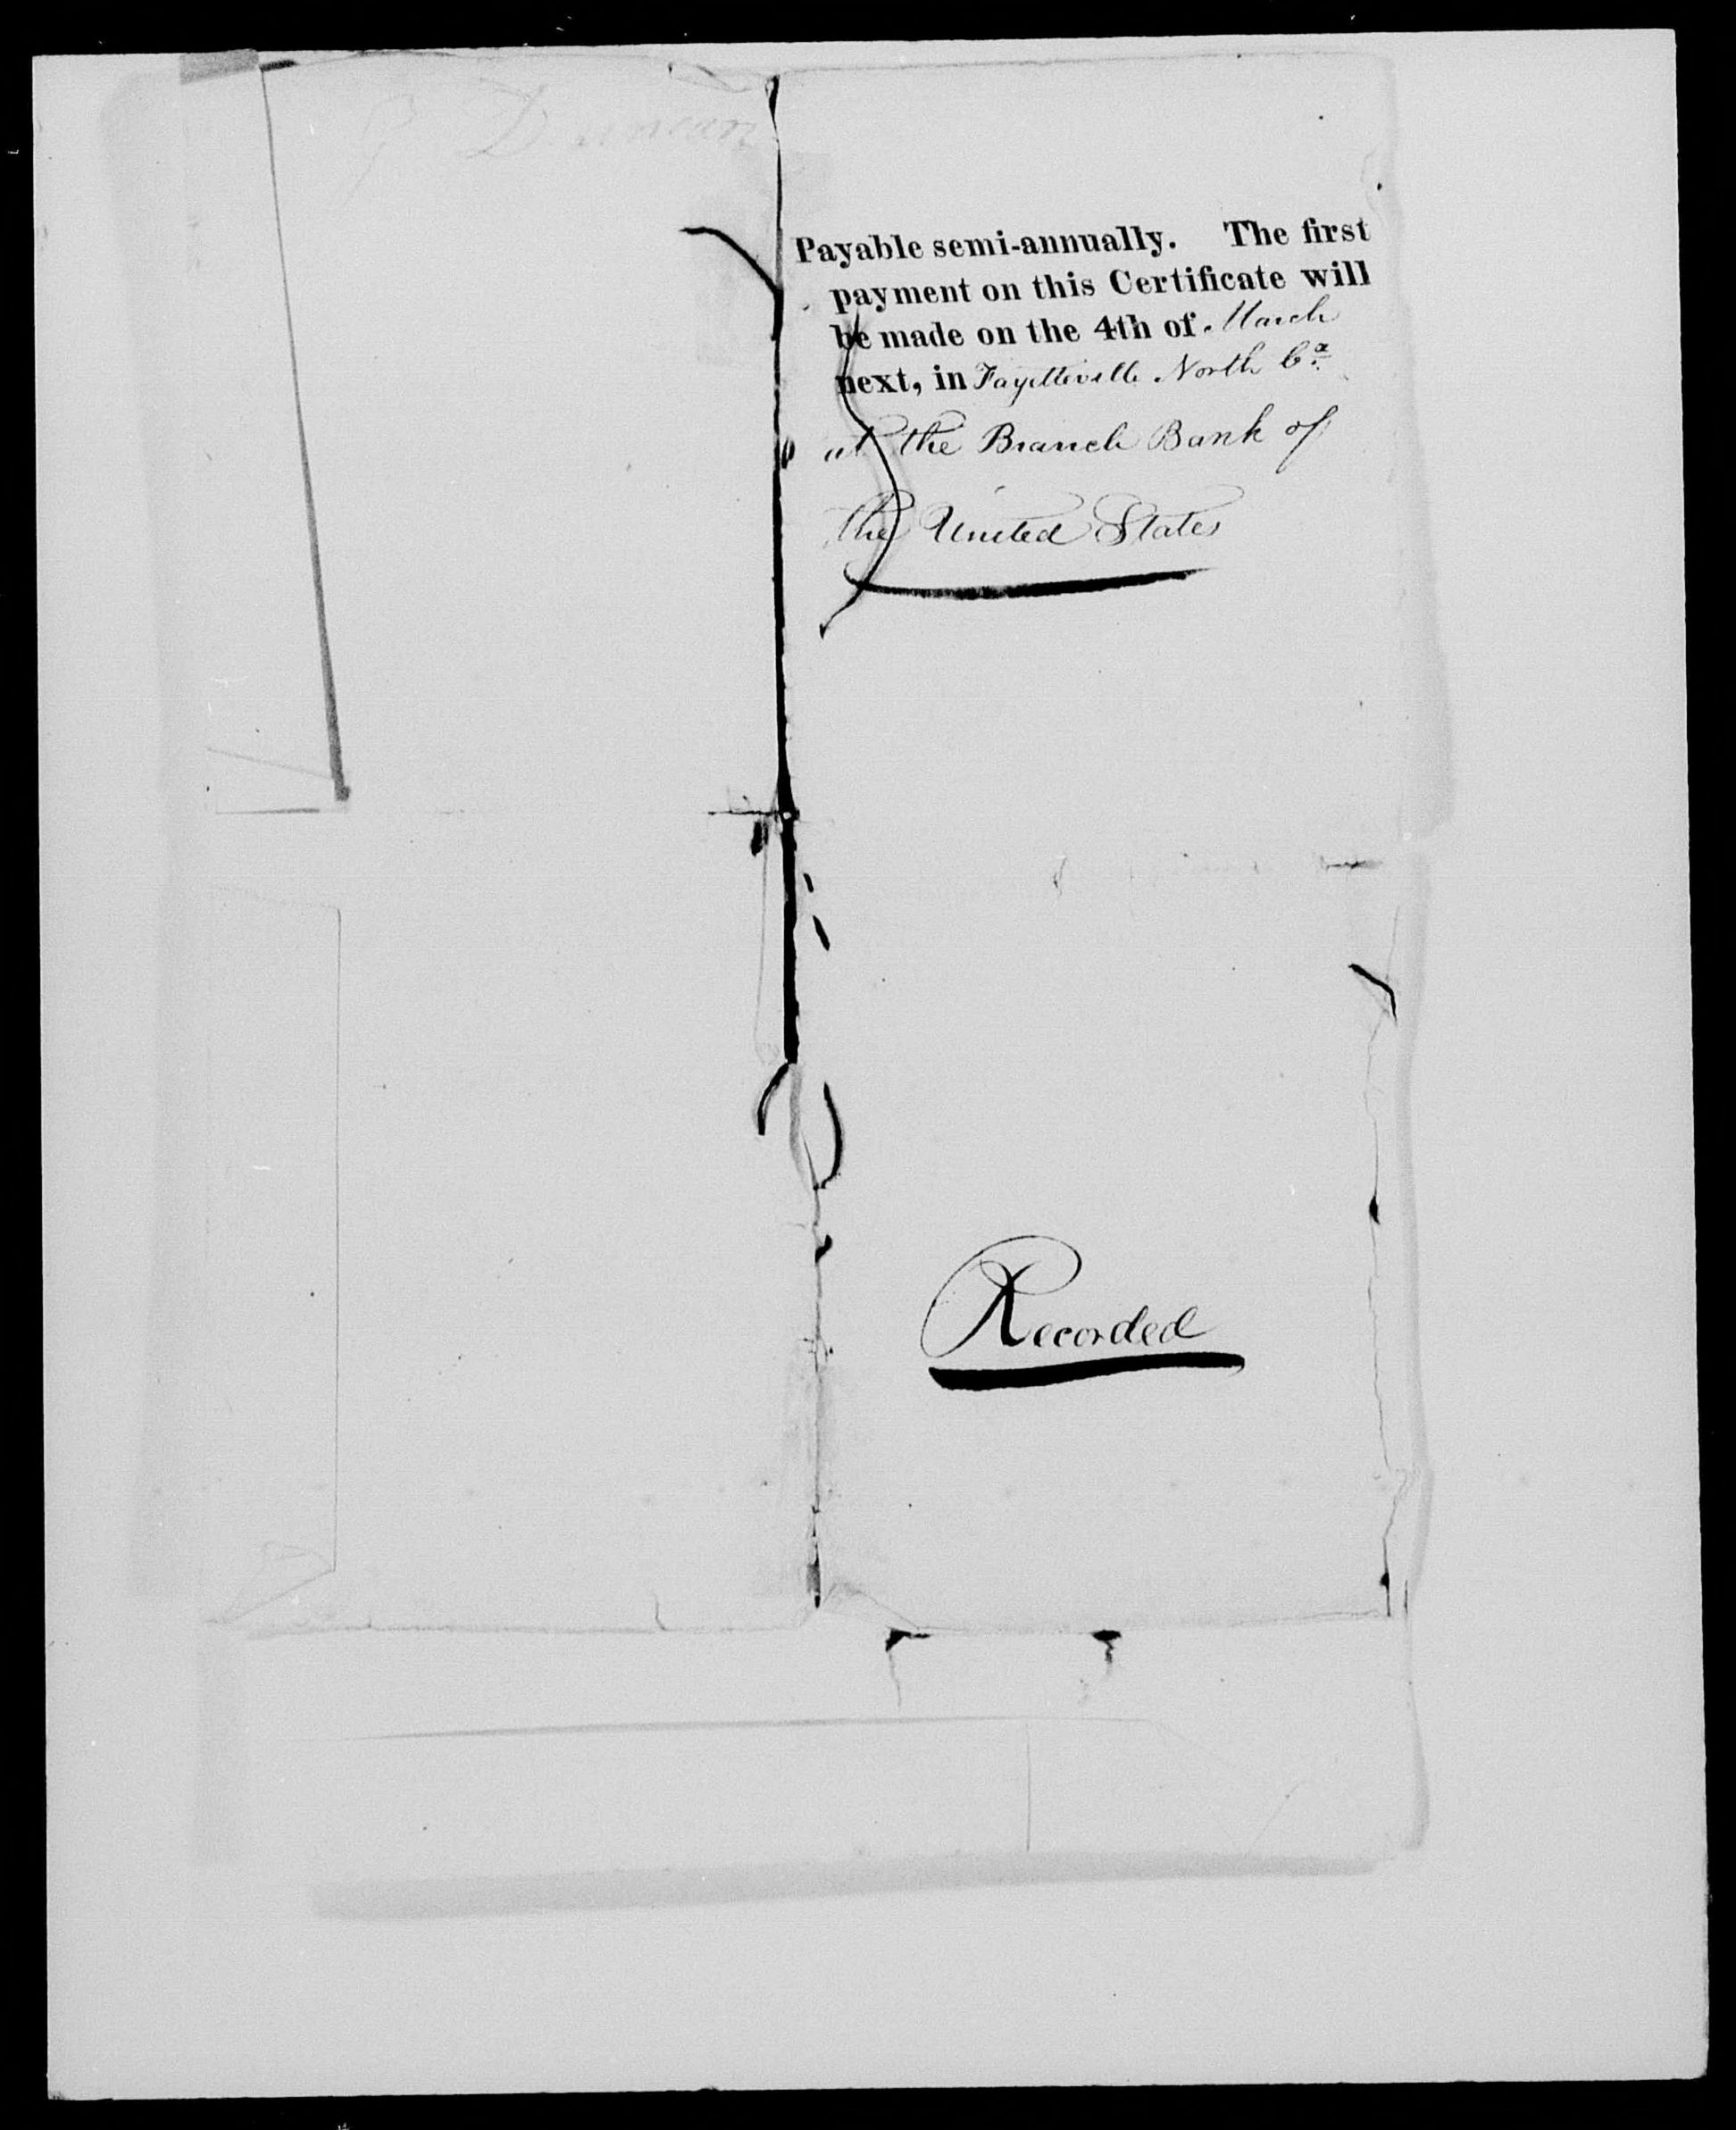Payable semi-annually. The first
payment of this Certificate will
be made on the 4th of March
next, in Fayetteville North ba. 
at the Branch Bank of
the United States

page: 40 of 49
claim: survivor's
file: S. 41513, George Duncan, N.C.